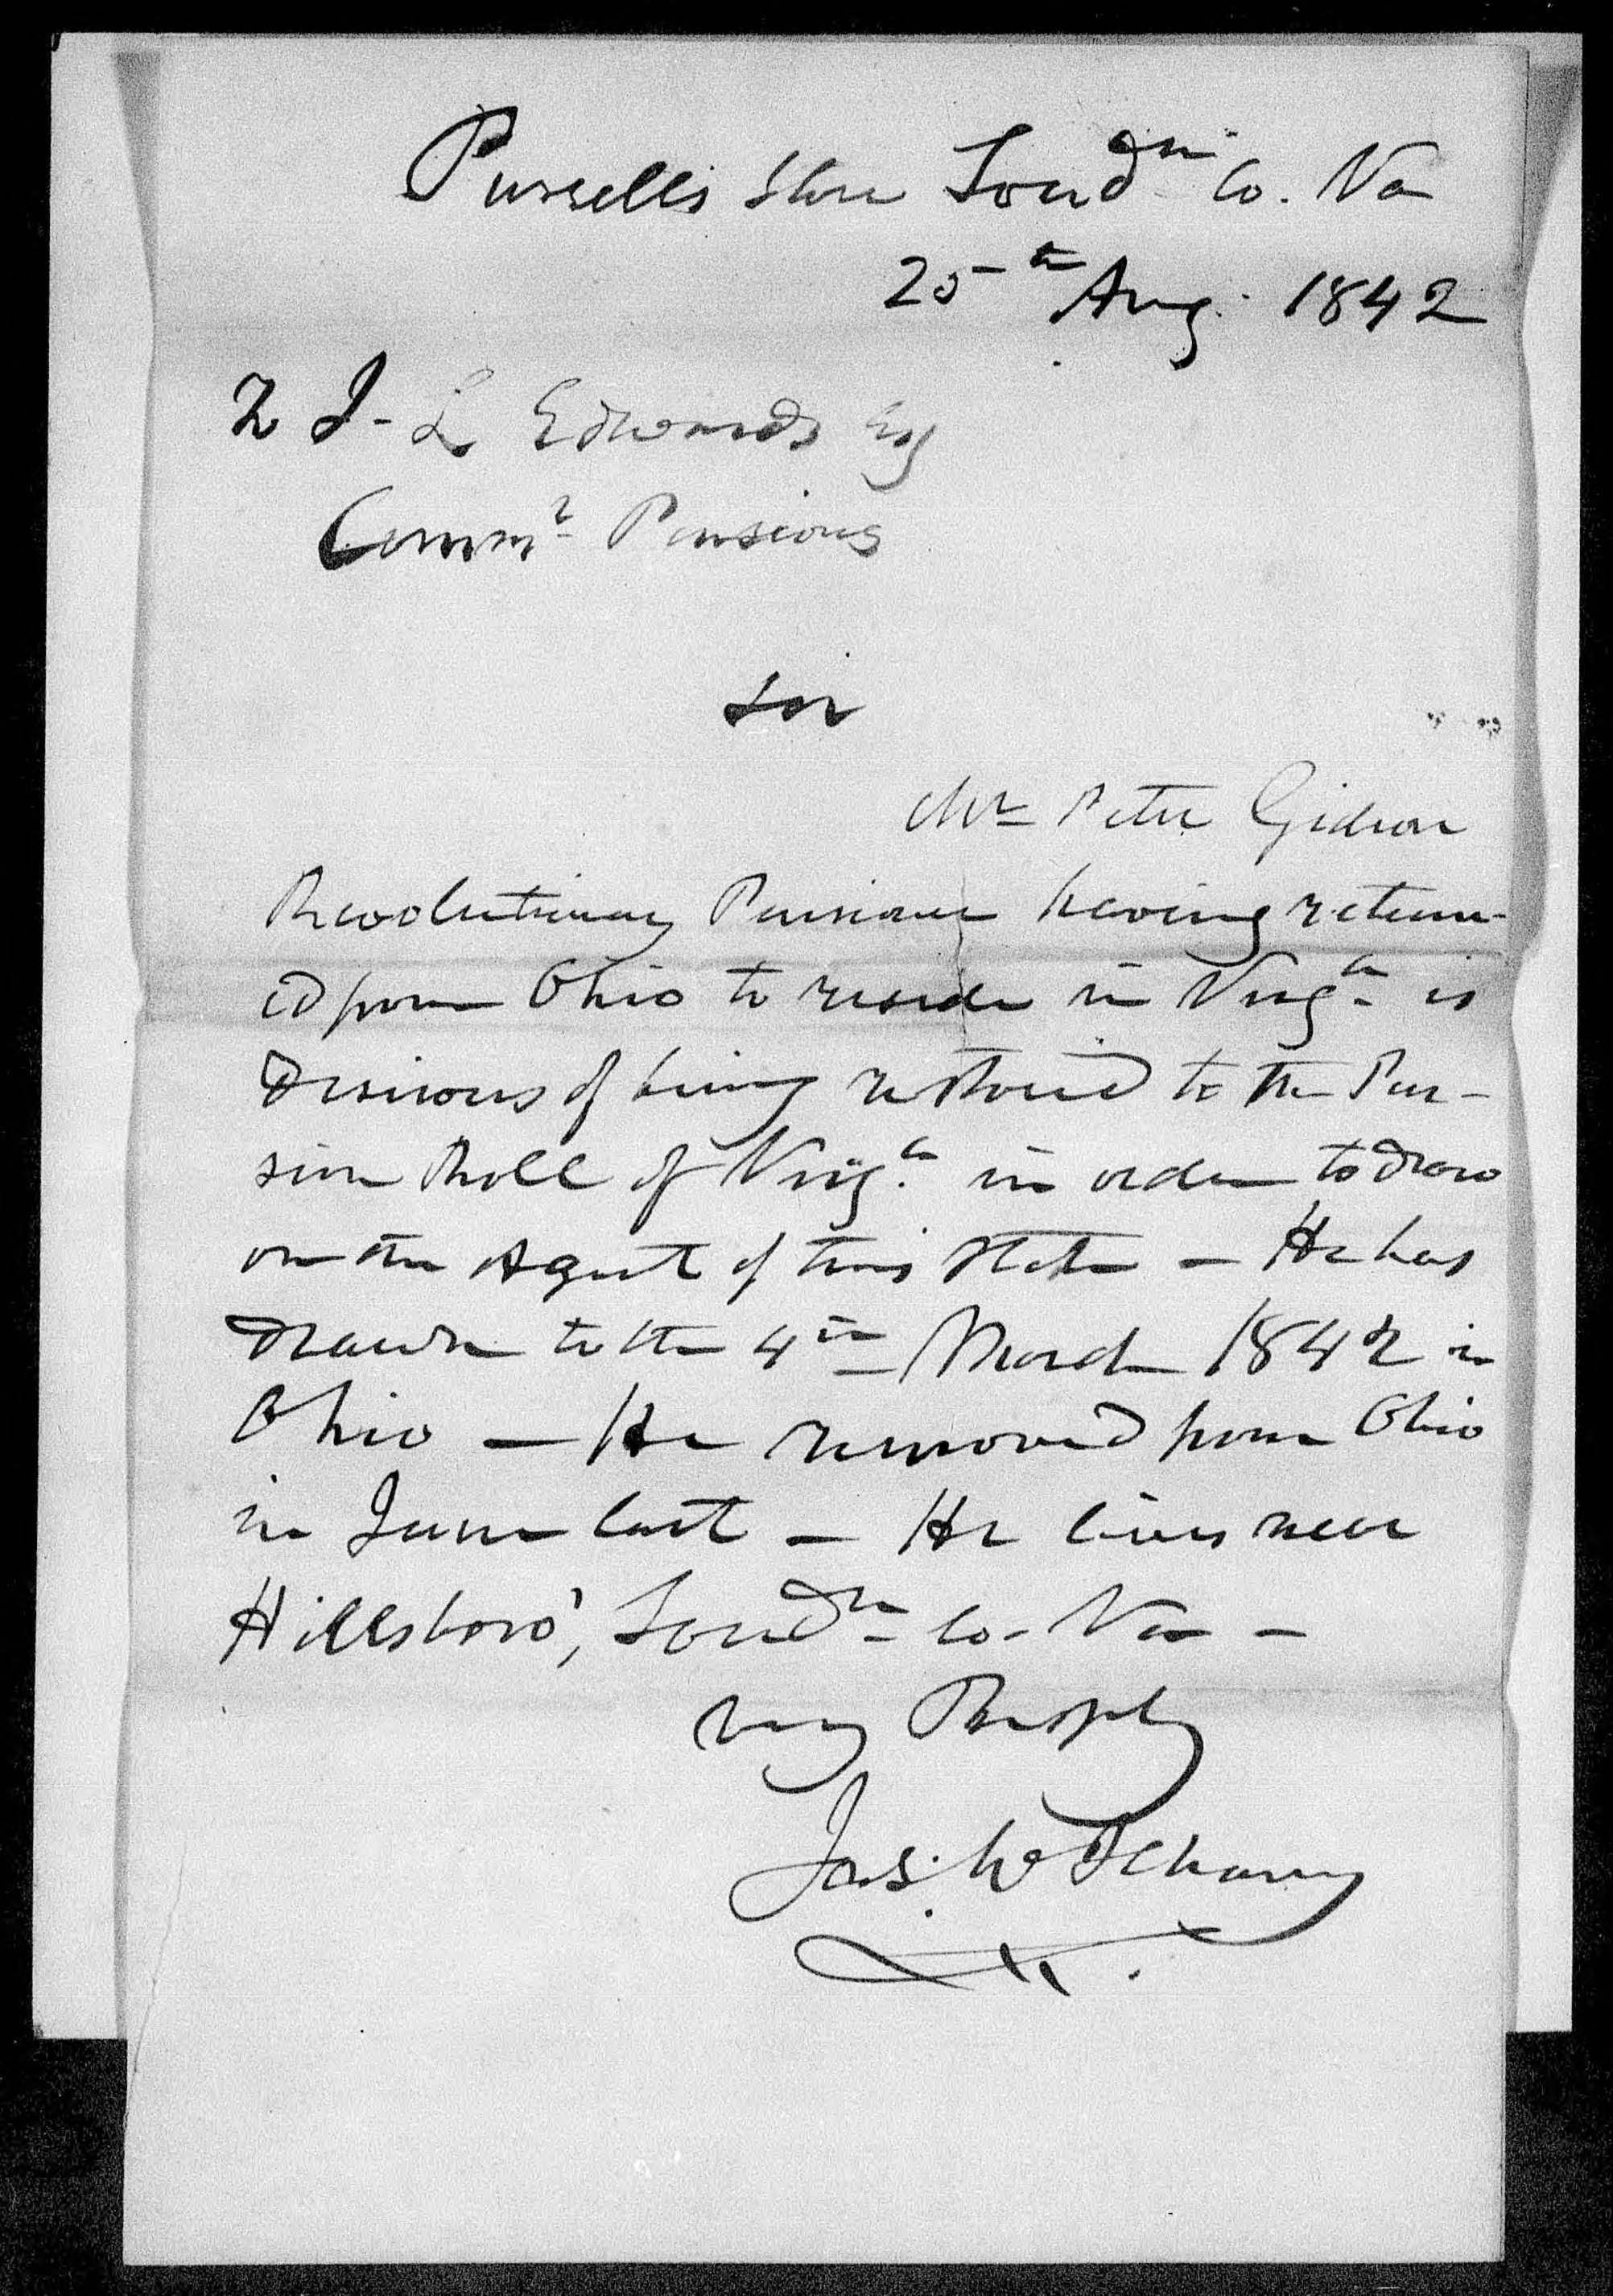Purcells [illegible] Laudon Co. Va
25th Aug. 1842

J L Edwards by
Comm Pensions

for
Mr Peter Gideon Revolutionary Pensioner having returned from Ohio to reside in Virg is
desirous of being restored to the pension
roll of Virg. in order to draw
on the Agent of this note- He has
drawn to the 4th March 1842 in
Ohio. He removed from Ohio
in June last. He lives near
Hillsboro, Loudon co now

Yours Truly
Jas W Icharry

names: Peter Gideon, J L Edwards, Jas Mc Ilhany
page: 27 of 64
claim: survivor's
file: S. 6887, Peter Gideon, Md.